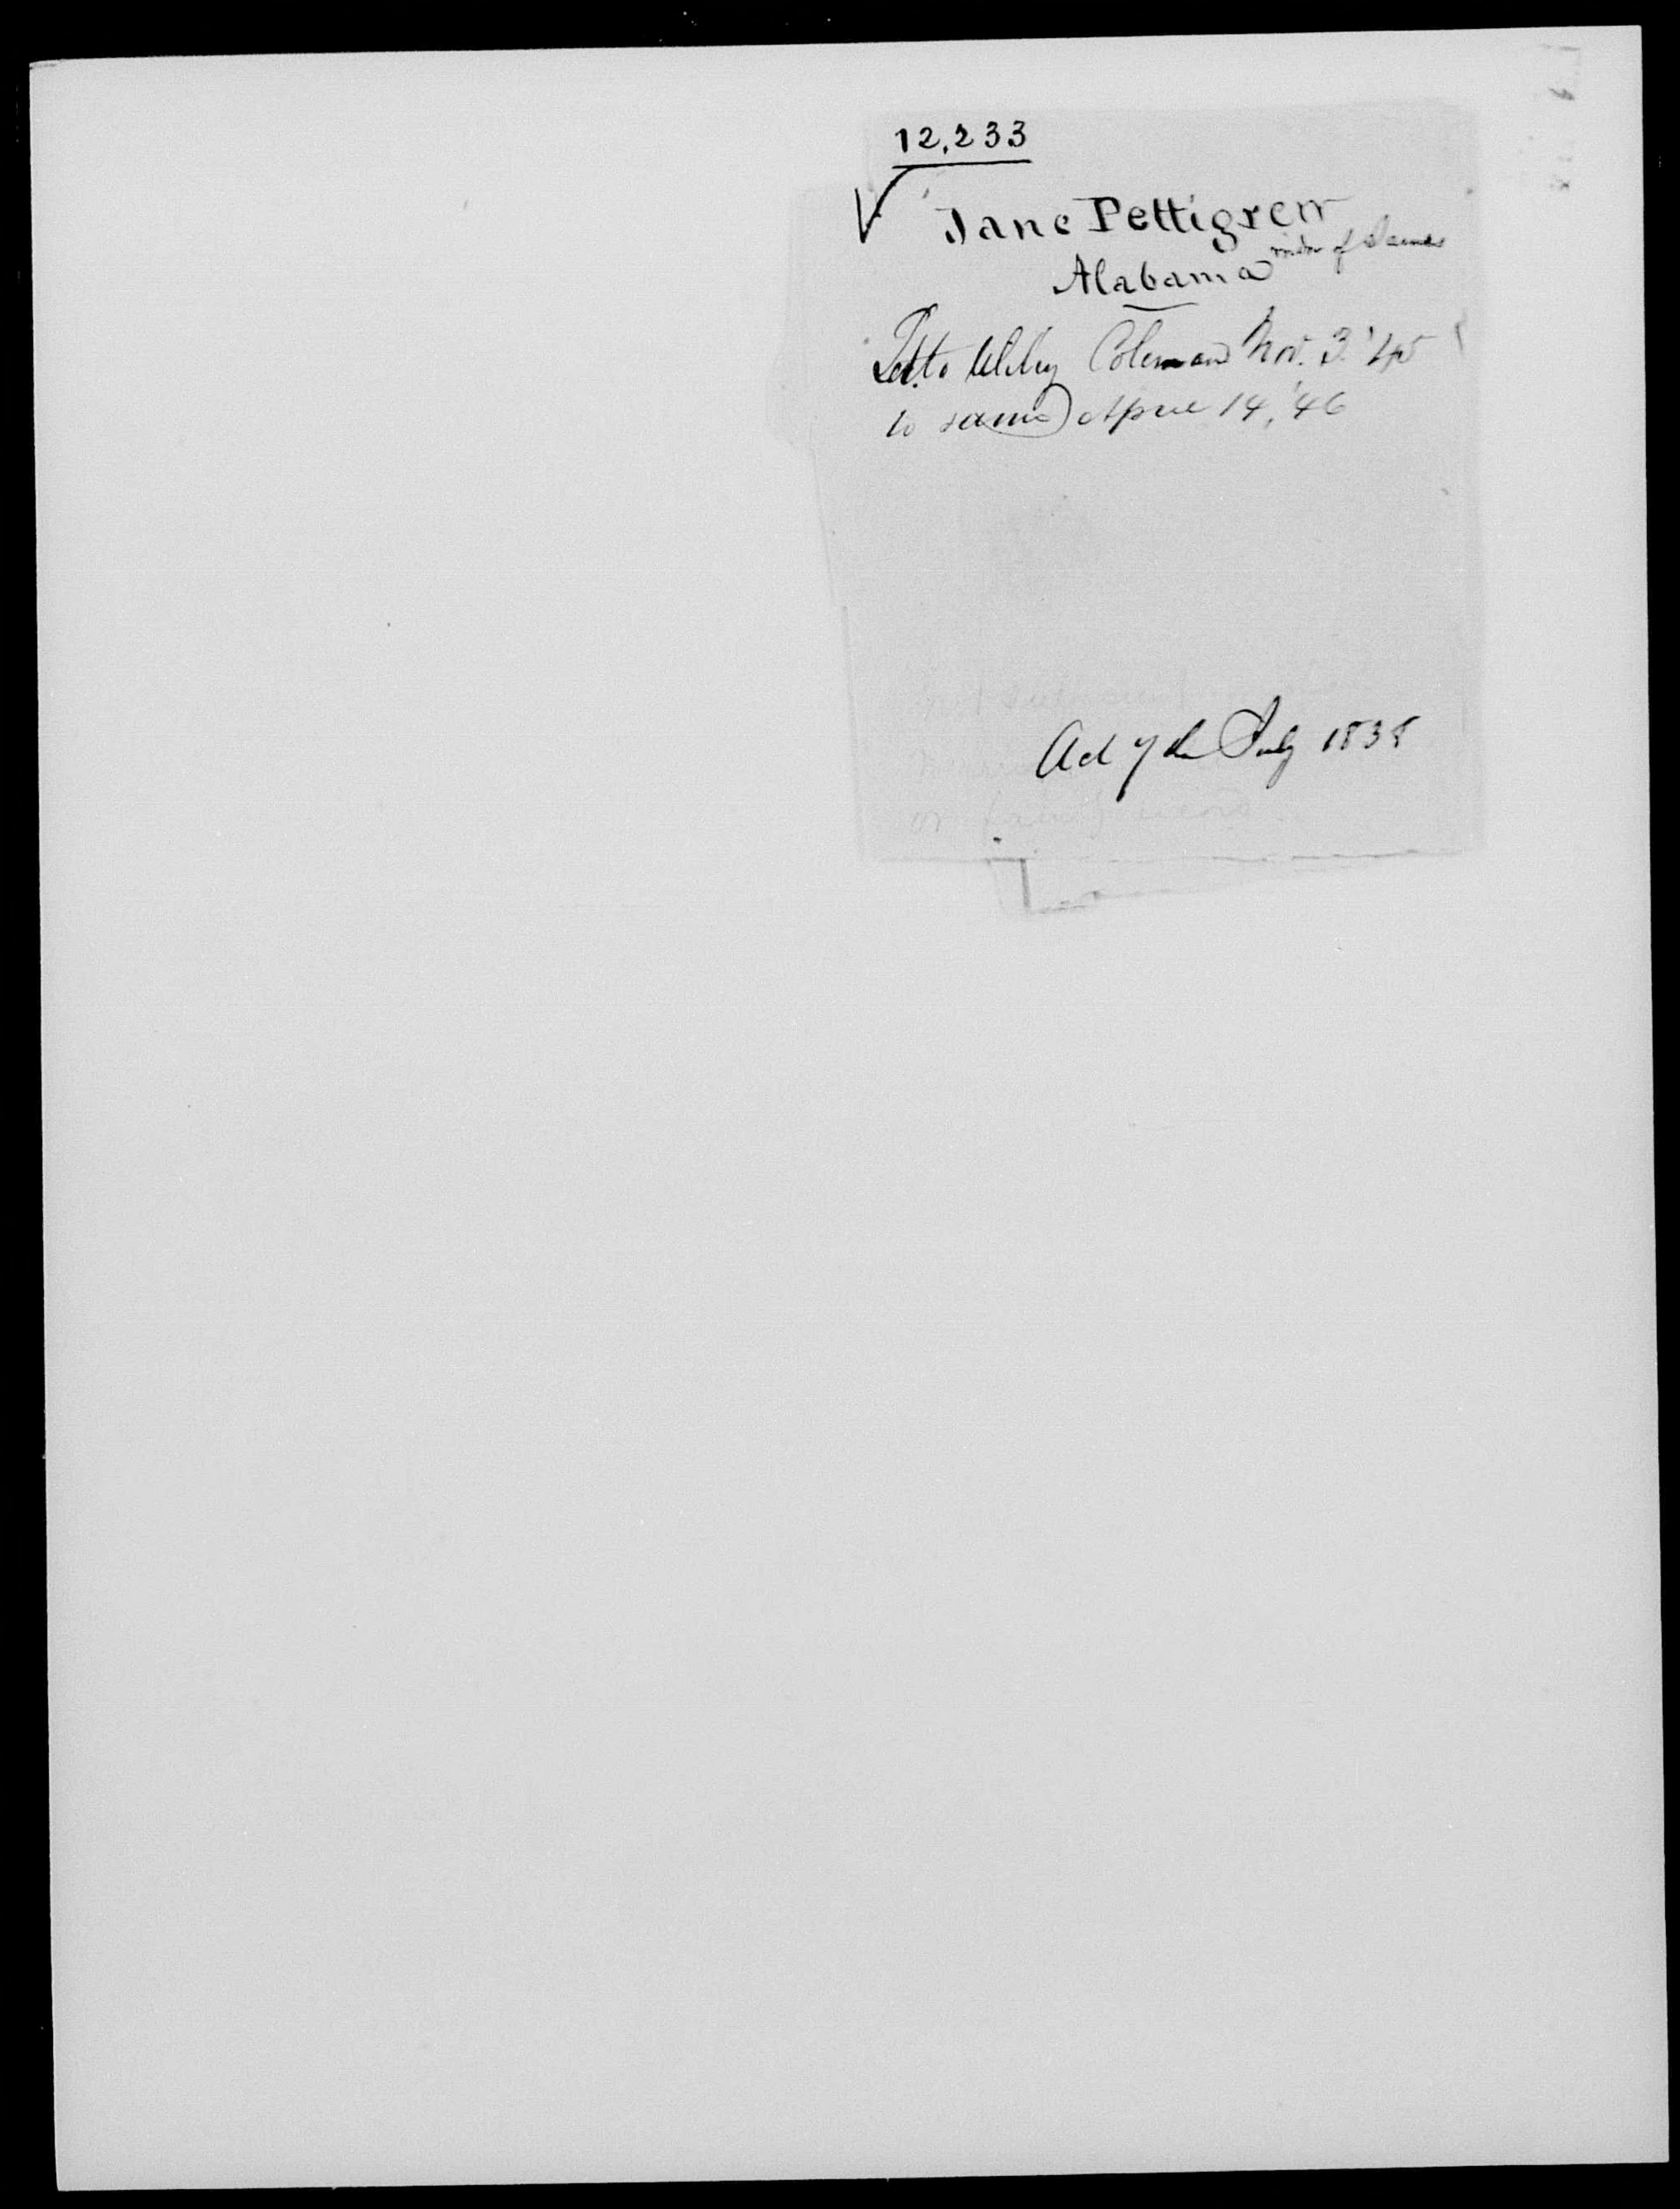12,233
Jane Pettigrew
wife of James
Alabama
Letto. Ally Colman hn. 3. 45
to Jane April 14, '46

Ad 7th July 1838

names: James Pettigrew; Jane Pettigrew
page: 30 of 92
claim: widow's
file: W. 5522, for James Pettigrew, South Carolina